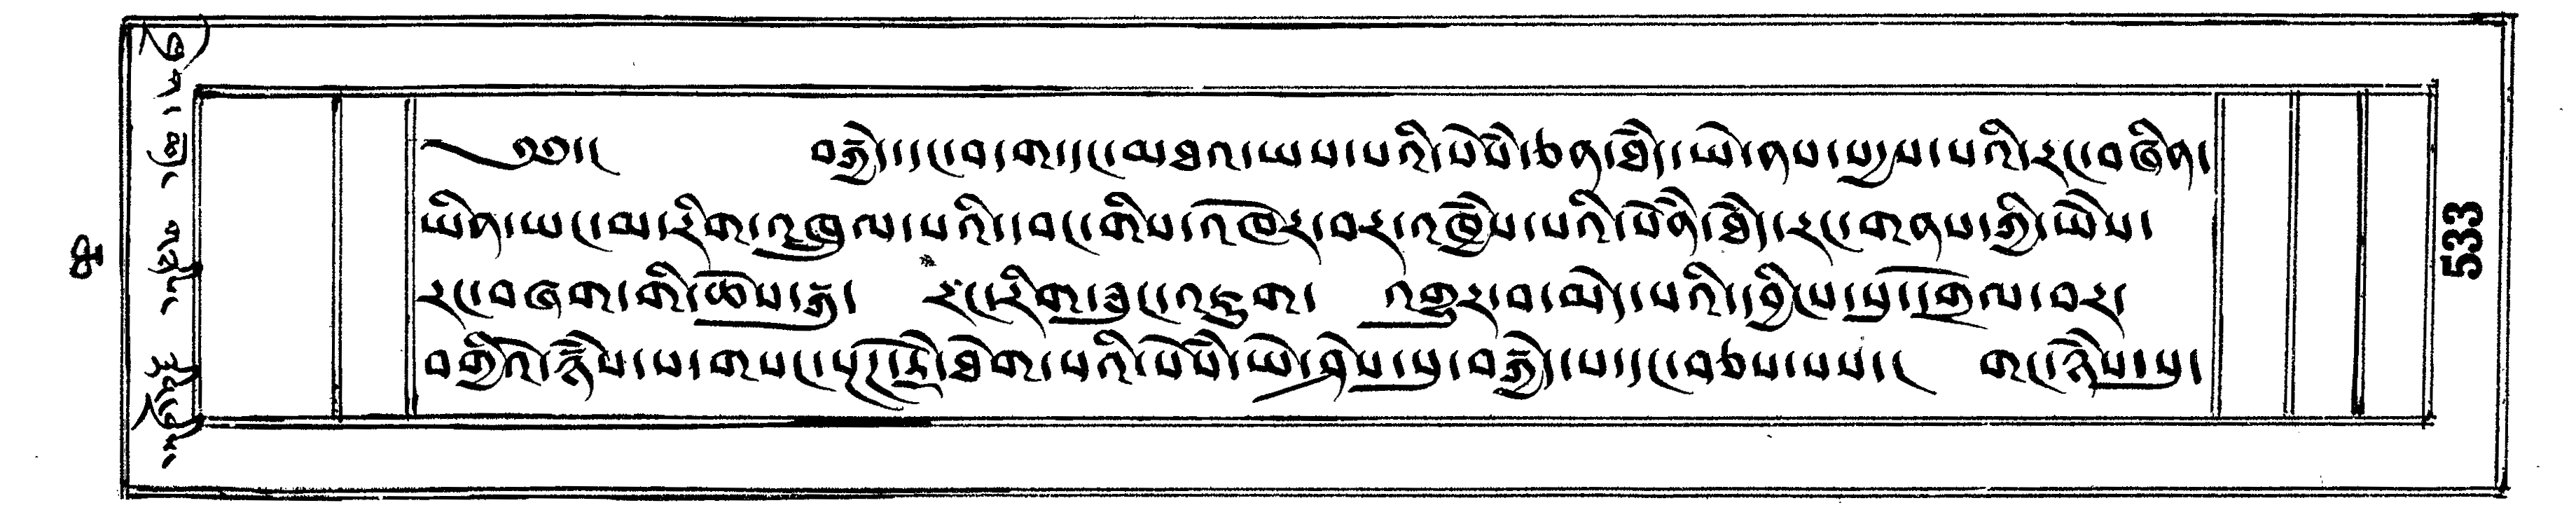བསྐྱེད་དང་། བདག་དང་མཐའ་ཡས་པའི་སེམས་ཅན་ཐམས་ཅད་ཡེ་ནས་སངས་རྒྱས་པའི་རང་བཞིན་
ཡིན་ཡང་མ་རིག་འཁྲུལ་པའི་དབང་གིས་འཁོར་བར་འཁྱམས་པའི་སེམས་ཅན་ཐམས་ཅད་རང་གནས་ཀྱི་ཡེ་ཤེས། 
རང་བཞག་གི་ཆོས་སྐུ། རང་རིག་ཟུང་འཇུག འགྱུར་བ་མེད་པའི་དབྱིངས་སུ་གྲོལ་བར་
བགྱིའོ་སྙམ་པ་གསང་སྔགས་རྡོ་རྗེ་ཐེག་པའི་སེམས་ཡེ་ཤེས་སུ་བསྐྱེད་པ་དང་བཅས་པས། གང་ཉམས་སུ་